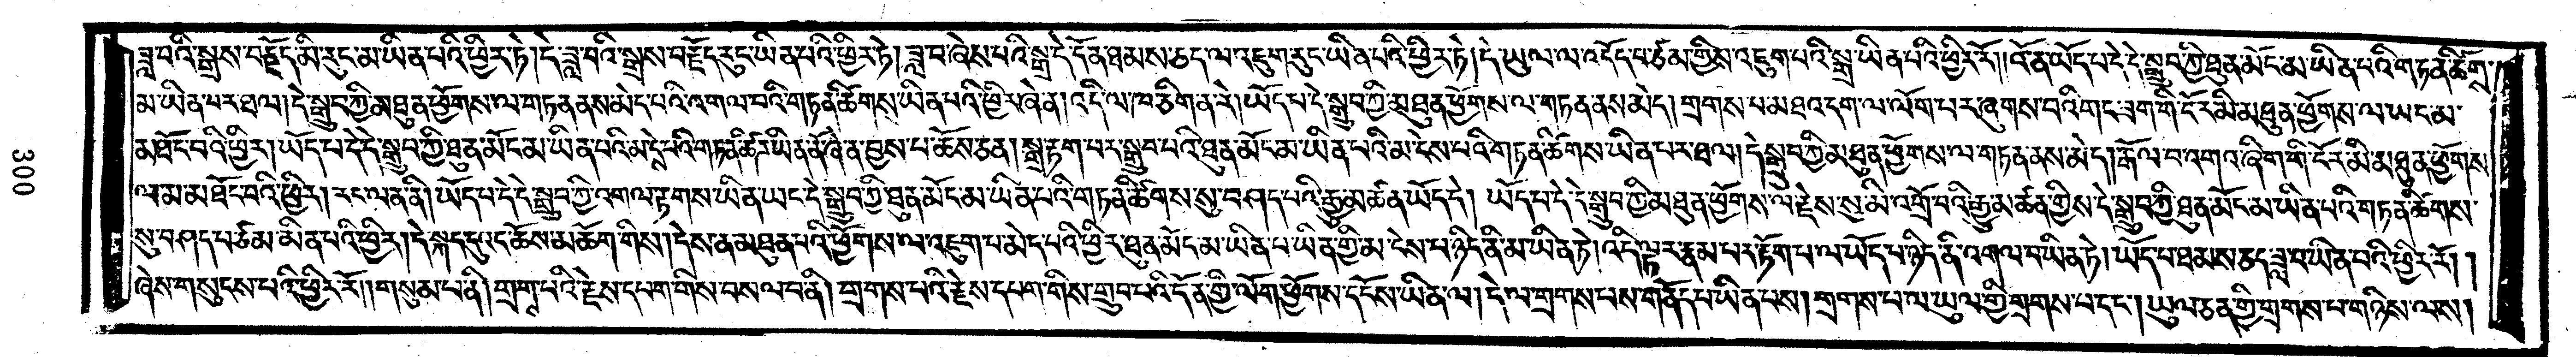ཟླ་བའི་སྒྲས་བརྗོད་མི་རུང་མ་ཡིན་པའི་ཕྱིར་ཏེ། དེ་ཟླ་བའི་སྒྲས་བརྗོད་རུང་ཡིན་པའི་ཕྱིར་ཏེ། ཟླ་བ་ཞེས་པའི་སྒྲ་དེ་དོན་ཐམས་ཅད་ལ་འཇུག་རུང་ཡིན་པའི་ཕྱིར་ཏེ། དེ་ཡུལ་ལ་འདོད་པ་ཙམ་གྱིས་འཇུག་པའི་སྒྲ་ཡིན་པའི་ཕྱིར་རོ། །འོ་ན་ཡོད་པ་དེ་དེ་སྒྲུབ་ཀྱི་ཐུན་མོང་མ་ཡིན་པའི་གཏན་ཚིགས་
མ་ཡིན་པར་ཐལ། དེ་སྒྲུབ་ཀྱི་མཐུན་ཕྱོགས་ལ་གཏན་ནས་མེད་པའི་འགལ་བའི་གཏན་ཚིགས་ཡིན་པའི་ཕྱིར་ཞེ་ན། འདི་ལ་ཁ་ཅིག་ན་རེ། ཡོད་པ་དེ་སྒྲུབ་ཀྱི་མཐུན་ཕྱོགས་ལ་གཏན་ནས་མེད། གྲགས་པ་མཐའ་དག་ལ་ལོག་པར་ཞུགས་པའི་གང་ཟག་གི་ངོར་མི་མཐུན་ཕྱོགས་ལ་ཡང་མ་
མཐོང་བའི་ཕྱིར། ཡོད་པ་དེ་དེ་སྒྲུབ་ཀྱི་ཐུན་མོང་མ་ཡིན་པའི་མ་ངེས་པའི་གཏན་ཚིཌ་ཡིན་ནོ་ཞེ་ན། བྱས་པ་ཆོས་ཅན། སྒྲ་རྟག་པར་སྒྲུབ་པའི་ཐུན་མོང་མ་ཡིན་པའི་མ་ངེས་པའི་གཏན་ཚིགས་ཡིན་པར་ཐལ། དེ་སྒྲུབ་ཀྱི་མཐུན་ཕྱོགས་ལ་གཏན་ནས་མེད། རྒོལ་བ་འགའ་ཞིག་གི་ངོར་མི་མཐུན་ཕྱོགས་
ལ་མ་མཐོང་བའི་ཕྱིར། རང་ལན་ནི། ཡོད་པ་དེ་དེ་སྒྲུབ་ཀྱི་འགལ་རྟགས་ཡིན་ཡང་དེ་སྒྲུབ་ཀྱི་ཐུན་མོང་མ་ཡིན་པའི་གཏན་ཚིགས་སུ་བཤད་པའི་རྒྱུ་མཚན་ཡོད་དེ། ཡོད་པ་དེ་དེ་སྒྲུབ་ཀྱི་མཐུན་ཕྱོགས་ལ་རྗེས་སུ་མི་འགྲོ་བའི་རྒྱུ་མཚན་གྱིས་དེ་སྒྲུབ་ཀྱི་ཐུན་མོང་མ་ཡིན་པའི་གཏན་ཚིགས་
སུ་བཤད་པ་ཙམ་ཡིན་པའི་ཕྱིར། དེ་སྐད་དུའང་ཆོས་མཆོག་གིས། དེས་ན་མཐུན་པའི་ཕྱོགས་ལ་འཇུག་པ་མེད་པའི་ཕྱིར་ཐུན་མོང་མ་ཡིན་མ་ཡིན་གྱི་མ་ངེས་པ་ཉིད་ནི་མ་ཡིན་ཏེ། འདི་ལྟར་རྣམ་པར་རྟོག་པ་ལ་ཡོད་པ་ཉིད་ནི་འགལ་བ་ཡིན་ཏེ། ཡོད་པ་ཐམས་ཅད་ཟླ་བ་ཡིན་པའི་ཕྱིར་རོ། །
ཞེས་གསུངས་པའི་ཕྱིར་རོ། །གསུམ་པ་ནི། གྲགས་པའི་རྗེས་དཔག་གིས་བསལ་བ་ནི། གྲགས་པའི་རྗེས་དཔག་གི་སྒྲུབ་པའི་དོན་གྱི་ལོག་ཕྱོགས་དངོས་ཡིན་ལ། དེ་ལ་གྲགས་པས་གནོད་པ་ཡིན་པས། གྲགས་པ་ལ་ཡུལ་གྱི་གྲགས་པ་དང་། ཡུལ་ཅན་གྱི་གྲགས་པ་གཉིས་ལས།